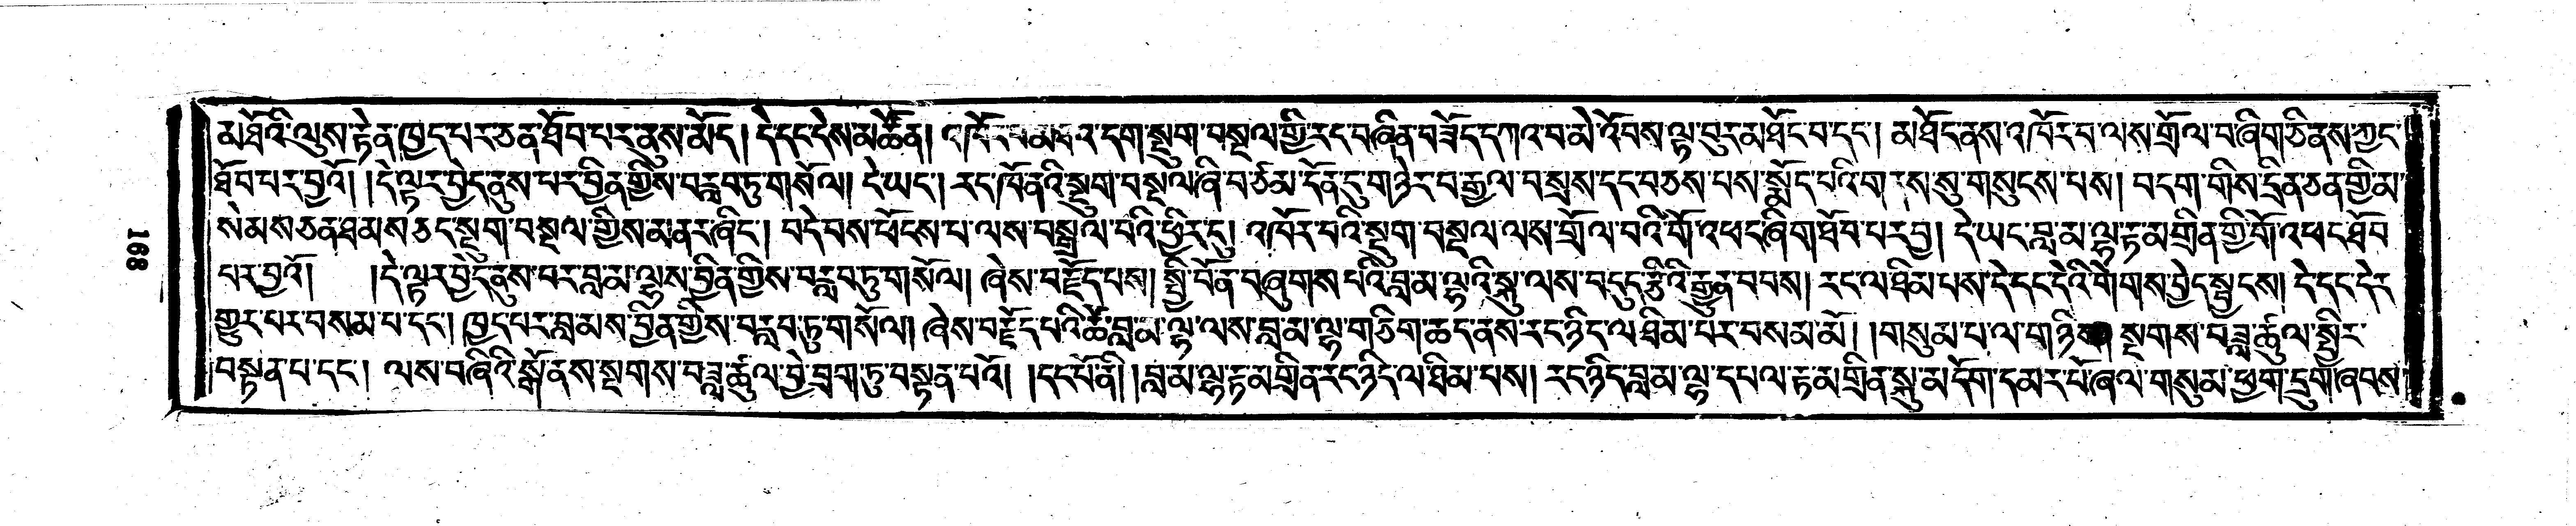མཐོའི་ལུས་རྟེན་ཁྱད་པར་ཅན་ཐོབ་པར་ནུས་མོད། དེ་དང་དེས་མཚོན། འཁོར་བ་མཐའ་དག་སྡུག་བསྔལ་གྱི་རང་བཞིན་བཟོད་དཀའ་བ་མེ་འོབས་ལྟ་བུར་མཐོང་བ་དང་། མཐོང་ནས་འཁོར་བ་ལས་གྲོལ་བ་ཞིག་ཅི་ནས་ཀྱང་
ཐོབ་པར་བྱའོ། །དེ་ལྟར་བྱེད་ནུས་པར་བྱིན་གྱིས་བརླབ་ཏུ་གསོལ། དེ་ཡང་། རང་ཁོ་ནའི་སྡུག་བསྔལ་ཞི་བ་ཙམ་དོན་དུ་གཉེར་བ་རྒྱལ་བ་སྲས་དང་བཅས་པས་སྨོད་པའི་གནས་སུ་གསུངས་པས། བདག་གིས་དྲིན་ཅན་གྱི་མ་
སེམས་ཅན་ཐམས་ཅད་སྡུག་བསྔལ་གྱིས་མནར་ཞིང་། བདེ་བས་ཕོངས་པ་ལས་བསྒྲལ་བའི་ཕྱིར་དུ། འཁོར་བའི་སྡུག་བསྔལ་ལས་གྲོལ་བའི་གོ་འཕང་ཞིག་ཐོབ་པར་བྱ། དེ་ཡང་བླ་མ་ལྷ་རྟ་མགྲིན་གྱི་གོ་འཕང་ཐོབ་
པར་བྱའོ། །དེ་ལྟར་བྱེད་ནུས་པར་བླ་མ་ལྷས་བྱིན་གྱིས་བརླབ་ཏུ་གསོལ། ཞེས་བརྗོད་པས། སྤྱི་བོ་ན་བཞུགས་པའི་བླ་མ་ལྷའི་སྐུ་ལས་བདུད་རྩིའི་རྒྱུན་བབས། རང་ལ་ཐིམ་པས་དེ་དང་དེའི་གེགས་བྱེད་སྦྱངས། དེ་དང་དེར་
གྱུར་པར་བསམ་པ་དང་། ཁྱད་པར་བླ་མས་བྱིན་གྱིས་བརླབ་ཏུ་གསོལ། ཞེས་བརྗོད་པའི་ཚེ་བླ་མ་ལྷ་ལས་བླ་མ་ལྷ་གཅིག་ཆད་ནས་རང་ཉིད་ལ་ཐིམ་པར་བསམ་མོ། །གསུམ་པ་ལ་གཉིས། སྔགས་བཟླ་ཚུལ་སྤྱིར་
བསྟན་པ་དང་། ལས་བཞིའི་སྒོ་ནས་སྔགས་བཟླ་ཚུལ་བྱེ་བྲག་ཏུ་བསྟན་པའོ། །དང་པོ་ནི། །བླ་མ་ལྷ་རྟ་མགྲིན་རང་ཉིད་ལ་ཐིམ་པས། རང་ཉིད་བླ་མ་ལྷ་དཔལ་རྟ་མགྲིན་སྐུ་མདོག་དམར་པོ་ཞལ་གསུམ་ཕྱག་དྲུག་ཞབས་